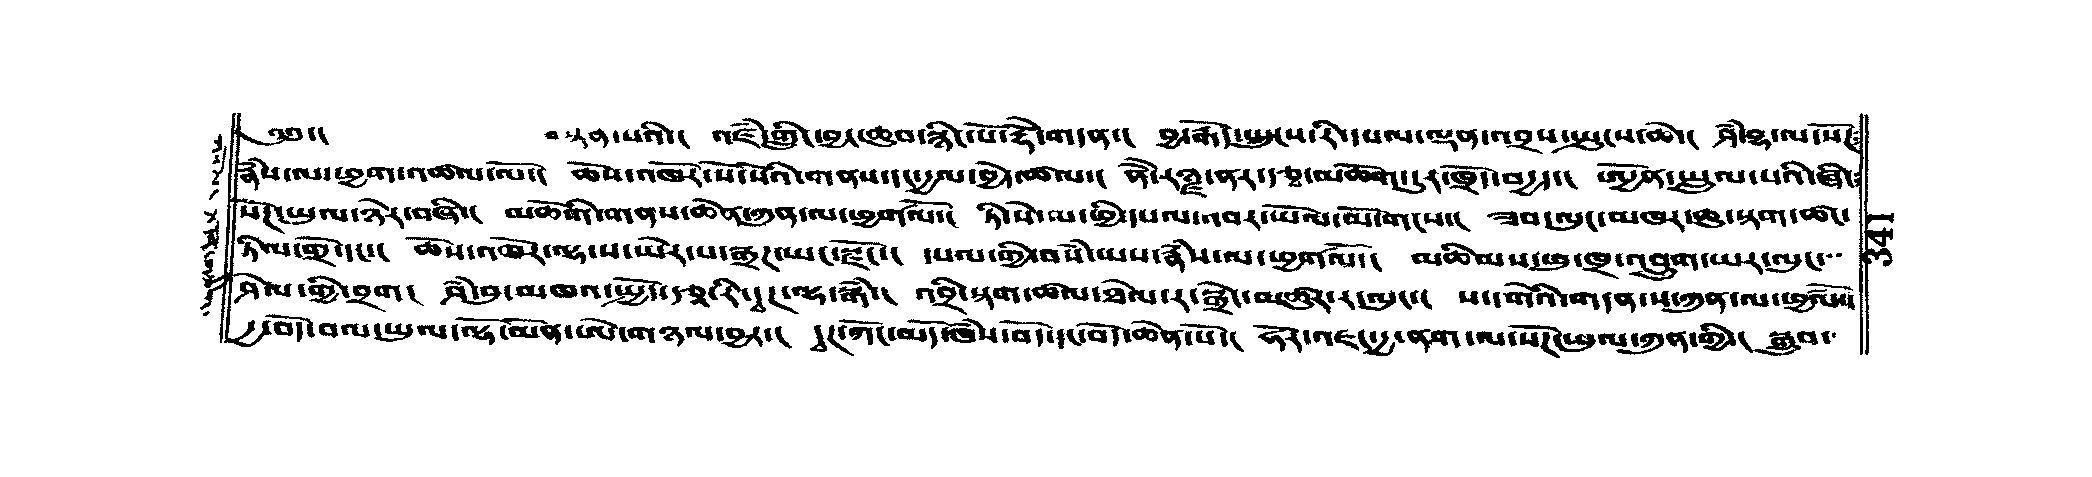བསྟན་པའི། །འཛམ་གླིང་བྱང་ཆུབ་སྙིང་པོ་རྡོ་རྗེ་གདན། །བྱ་རྒོད་སྤུངས་རི་དཔལ་ལྡན་འབྲས་སྤུངས་ཆེ། །ཤམ་བྷ་ལ་སོགས་
རྣམས་ལ་ཕྱག་འཚལ་ལོ། །ཆོས་འཁོར་སོ་སོའི་གནས་དང་རྒྱལ་བྱེད་ཚལ། །ནཻ་རཉྫ་ན་རྩྭ་མཆོག་དུར་ཁྲོད་བརྒྱད། །ཨོ་རྒྱན་སྤྲུལ་པའི་ཞིང་
སོགས་ཡུལ་ཉེར་བཞི། །མཆོག་གི་གནས་ཆེན་ཀུན་ལ་ཕྱག་འཚལ་ལོ། །ཏི་སེ་ལ་ཕྱི་དཔལ་འབར་ཡོལ་མོ་གངས། །ཟབ་ལུང་མཁར་ཆུ་སྟག་ཚང་
ཏི་གྲོ་དང་། །ཆོས་འཁོར་ལྷ་ས་ཡེར་པ་སྒྲགས་ཡང་རྫོང་། །དཔལ་གྱི་བསམ་ཡས་རྣམས་ལ་ཕྱག་འཚལ་ལོ། །མཆིམས་ཕུ་ཁྲ་འབྲུག་ཡར་ལུང་
ཤེལ་གྱི་བྲག །ཤམ་བུ་མཁའ་སྤྱོད་རྩཱ་རི་དྭགས་ལྷ་སྒམ། །འབྲི་སྟག་ཚལ་ཐེལ་ར་སྒྲེང་མཚུར་ར་ལུང་། །ས་དགེའི་གདན་ས་ཀུན་ལ་ཕྱག་འཚལ་ལོ། །
རྒྱ་བོད་བལ་ཡུལ་ལྷོ་མོན་ཨེ་གཉལ་བྱར། །དྭགས་ཀོང་མདོ་ཁམས་བོད་དང་བོད་ཆེན་པོ། །ཧོར་འཇང་རྒྱ་ནག་ལ་སོགསུ་ཡུལ་ཀུན་གྱི། །སྒྲུབ་